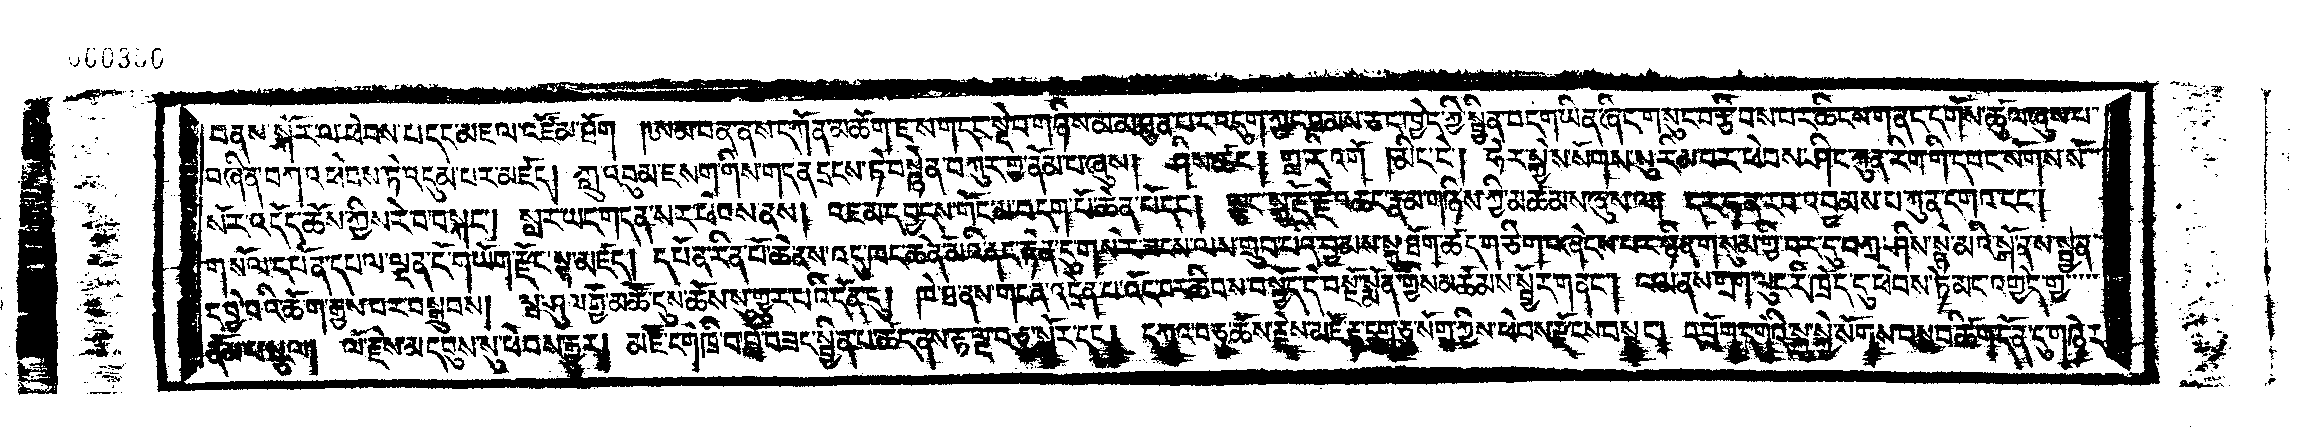བྣས་སྐོར་ལ་ཕེབས་པ་དང་མཇལ་འཛོམ་ཐོག །ཨམ་བན་ནས་དཀོན་མཆོག་ཇ་སག་དང་སྡེ་བ་གཉིས་མ་མཐུན་པར་འདུག་ཀྱང་ཐམས་ཅད་ཁྱེད་ཀྱི་སྦྱིན་བདག་ཡིན་ཞིང་གསུང་བརྩི་བས་བར་ཆིངས་གནང་དགོས་ཚུལ་ཞུས་པ་
བཞིན་བཀའ་ཕེབས་ཏེ་འདུམ་པར་མཛད། ཀླུ་འབུམ་ཇ་སག་གིས་གདན་དྲངས་ཏེ་བསྙེན་བཀུར་གྱ་ནོམ་པ་ཞུས། ཤིས་ཚང་། གླ་རི་འགོ །མིང་ངེ། ཧོར་སྐྱེས་སོགས་སུ་རིམ་པར་ཕེབས་ཤིང་ཀུན་རིག་གི་དབང་སོགས་སོ་
སོར་འདོད་ཆོས་ཀྱིས་རེ་བ་བསྐང་། སླར་ཡང་གདན་སར་ཕེབས་ནས། འཇམ་དབྱངས་གོང་མ་བདག་པོ་ཆེན་པོ་དང་། ལྕང་སྐྱ་རྡོ་རྗེ་འཆང་རྣམ་གཉིས་ཀྱི་མཚམས་ཞུས་ལ། དར་ཧན་རབ་འབྱམས་པ་ཀུན་དགའ་དང་།
གསོལ་དཔོན་དཔལ་ལྡན་ངོ་གཡོག་རྫོང་སྟ་མཛད། དཔོན་རིན་པོ་ཆེ་ནས་འདུ་ཁང་ཆེན་མོའི་ནང་རྟེན་དུ་གསེར་ཟངས་ལས་གྲུབ་པའི་བྱམས་སྐུ་ཐོག་ཚང་གཅིག་བཞེངས་པར་ཉིན་གསུམ་གྱི་བར་དུ་བཀྲ་ཤིས་སྙེ་མའི་སྒོ་ནས་སྤྱན་
དབྱེ་བའི་ཆོག་རྒྱས་པར་བསྒྲུབས། ཝ་ཤུལ་རྒྱ་མཚོ་དུས་ཆོས་སུ་གྱུར་པའི་དོན་དུ། ཁེ་ཐ་ནས་གདན་འདྲེན་པ་འོང་བར་ཆིབས་བསྐྱོད་དེ་བསྔོ་སྨོན་གྱིས་མཚམས་སྦྱོར་གནང་། ལམ་ནས་བྲག་ལུང་རི་ཁྲོད་དུ་ཕེབས་ཏེ་མང་འགྱེད་གྱ་
ནོམ་པ་སྩལ། ལོ་རྗེས་མ་དབུས་སུ་ཕེབས་རྒྱུར། མཛོ་དགེ་ཁྲི་བ་བློ་བཟང་སྦྱིན་པ་ཚང་ནས་རྟ་ལྔ་བཅུ་སྐོར་དང་། དཀའ་བཅུ་ཆོས་རྗེས་མཛོ་རྟ་དྲུག་ཅུ་སོགས་ཀྱིས་ཕེབས་རྫོངས་བསྟར། འབྲོག་དགེའི་སྐུ་སྐྱེ་སོགས་བསླབ་ཚིག་དོན་དུ་གཉེར་